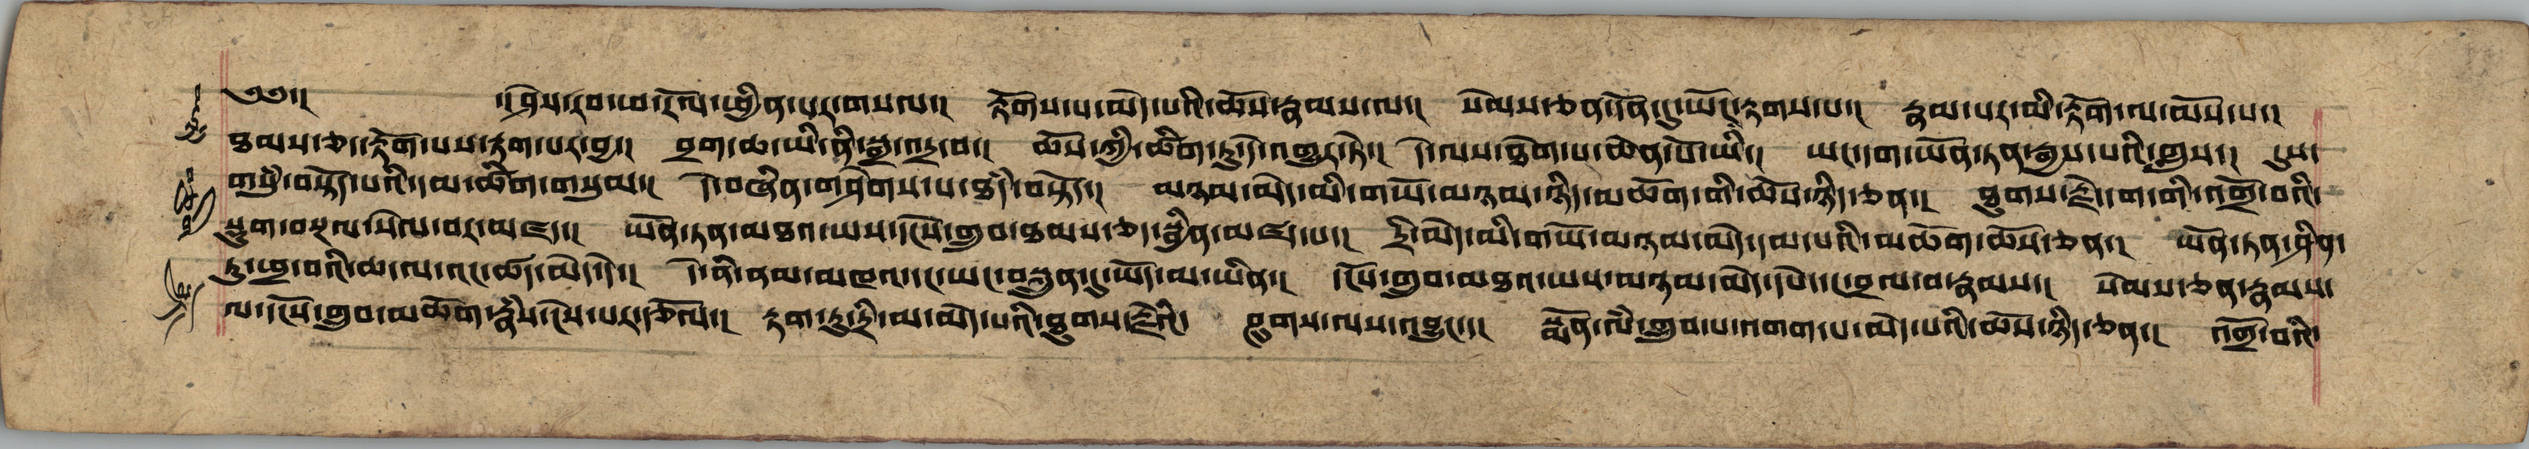༄༅་། ་།ཤེས་རབ་ཕ་རོལ་ཕྱིན་པར་གསལ་། རྟོགས་པ་མེད་པའི་ཆོས་རྣམས་ལ་། སེམས་ཅན་དོན་དུ་ཡོང་རྟགས་པ་། རྣམ་པར་མི་རྟོག་ལ་མོས་པ་།
ཐམས་ཅད་རྟོག་པས་རྟག་པར་བྱ་། བྲག་ཆ་ཡི་ནི་སྒྲ་འདྲ་བ་། ཆོས་ཀྱི་ཚིག་ཏུ་དེ་འགྱུར་ཏེ་། དེ་ལས་ཐེག་པ་ཆེན་པོ་ཡི་། ཡང་དག་ཡོན་ཏན་རྒྱས་པའི་གླུས་། དུས་
གསུཾ་བསྟོད་པའི་དམ་ཚིག་གསུམ་། དེ་བཞིན་གཤེགས་པ་ཐཾད་བསྟོད་། མཉམ་མེད་མི་གཡོ་མཉམ་ཉིད་མཆོག་གི་ཆོས་ཉིད་ཅན་། ཐུགས་རྗེ་དག་གི་འགྲོ་བའི་
སྡུག་བསྔལ་སེལ་བར་མཛད་། ཡོན་ཏན་མཐའ་ཡས་དངོས་གྲུབ་ཐམས་ཅད་སྦྱིན་མཛད་པ་། དྲི་མེད་མི་གཡོ་མཉམ་མེད་དམ་པའི་མཆོག་ཆོས་ཅན་། ཡོན་ཏན་ཤིན་
ཏུ་ཕྲ་བའི་ཆ་ལ་འང་ཚད་མེད་དེ་། དེ་ནི་ནམ་མཁའ་དང་ཡང་བསྐྲུན་དུ་ཡོད་མ་ཡིན་། དངོས་གྲུབ་མཐའ་ཡས་མཉམ་མེད་དཔེ་དང་བྲལ་བ་རྣམས་། སེམས་ཅན་རྣམས་
ལ་དངོས་གྲུབ་མཆོག་རྣཾས་ངེས་པར་རྩོལ་། རྟག་ཏུ་དྲི་མ་མེད་པའི་ཐུགས་རྗེའི་ ཤུགས་ལས་འབྱུང་་། སྨོན་ལཾ་གྲུབ་པ་འགག་པ་མེད་པའི་ཆོས་ཉིད་ཅན་། འགྲོ་བའི་